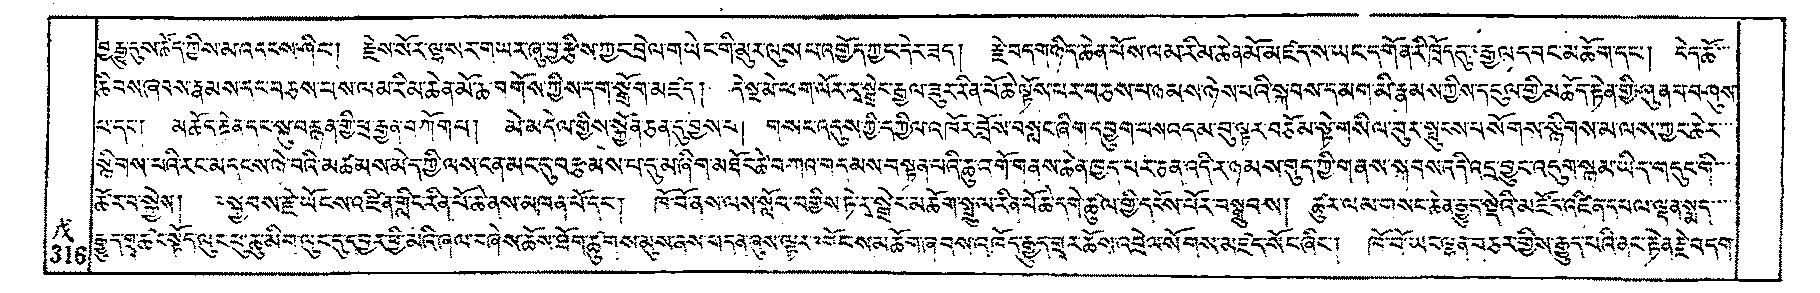བྱ་རྒྱུ་དུས་ཚོད་ཀྱིས་མ་འདངས་ཤིང་། རྗེས་སོར་ལྷ་སར་གཡར་ཞུ་བྱ་རྩིས་ཀྱང་བྲེལ་གཡེང་གི་མུར་ལུས་པ་འགྱོད་ཀྱང་དེར་ཟད། རྗེ་བདག་ཉིད་ཆེན་པོས་ལམ་རིམ་ཆེན་མོ་མཛད་ས་ཡང་དགོན་རི་ཁྲོད་དུ་༧རྒྱལ་དབང་མཆོག་དང་། ངེད་ཚོ་
ཆིབས་ཞབས་རྣམས་དང་བཅས་པས་ལམ་རིམ་ཆེན་མོ་ཆ་བགོས་ཀྱིས་དག་སྒྲོག་མཛད། དེ་སྔ་མེ་ཕག་ལོར་རྭ་སྒྲེང་རྒྱལ་ཟུར་རིན་པོ་ཆེ་ལྟོས་པར་བཅས་པ་ཉམས་ཉེས་པའི་སྐབས་དམག་མི་རྣམས་ཀྱིས་དངུལ་གྱི་མཆོད་རྟེན་གྱི་ཤུན་པ་བཤུས་
པ་དང་། མཆོད་རྟེན་དང་སྐུ་བརྙན་གྱི་ཕྲ་རྒྱན་བཀོག་པ། མེ་མདེལ་གྱིས་སྐྱོན་ཅན་དུ་བྱས་པ། གསང་འདུས་ཀྱི་དཀྱིལ་འཁོར་བློས་བསླང་ཞིག་དབྱུག་པས་འདམ་བུ་ལྟར་བཅོམ་སྟེ་གསིལ་བུར་སྤུངས་པ་སོགས་སྙིགས་མ་ལས་ཀྱང་ཆེར་
སྙིགས་པའི་རང་མདངས་ཉེ་བའི་མཚམས་མེད་ཀྱི་ལས་ངན་མང་དུ་བརྩམས་པ་དུ་མ་ཞིག་མཐོང་ཚེ་བཀའ་གདམས་བསྟན་པའི་ཆུ་འགོ་གནས་ཆེན་ཁྱད་པར་ཅན་འདིར་ཉམས་གུད་ཀྱི་གནས་སྐབས་འདི་འདྲ་བྱུང་འདུག་སྙམ་ཡིད་གདུང་གི་
ཚོར་བ་སྐྱེས། ༧སྐྱབས་རྗེ་ཡོངས་འཛིན་གླིང་རིན་པོ་ཆེ་ནས་མཁན་པོ་དང་། ཁོ་བོ་ནས་ལས་སློབ་བགྱིས་ཏེ་རྭ་སྒྲེང་མཆོག་སྤྲུལ་རིན་པོ་ཆེ་དགེ་ཚུལ་གྱི་དངོས་པོར་བསྒྲུབས། ཚུར་ལམ་གསང་ཆེན་རྒྱུད་སྡེའི་མཛོད་འཛིན་དཔལ་ལྡན་སྨད་
རྒྱུད་གྲྭ་ཚང་སྟོད་ལུང་ཕུ་ཆུ་མིག་ལུང་དུ་དབྱར་ཕྱི་མའི་ཞལ་བཞེས་ཆོས་ཐོག་ཚུགས་མུས་ནས་གདན་ཞུས་ལྟར་༧གོང་ས་མཆོག་ཞབས་འཁོད་རྒྱུད་གྲྭར་ཆོས་འབྲེལ་སོགས་མཛད་སོང་ཞིང་། ཁོ་བོ་ཡང་ལྷན་བཅར་གྱིས་རྒྱུད་པའི་ནང་རྟེན་རྗེ་བདག་